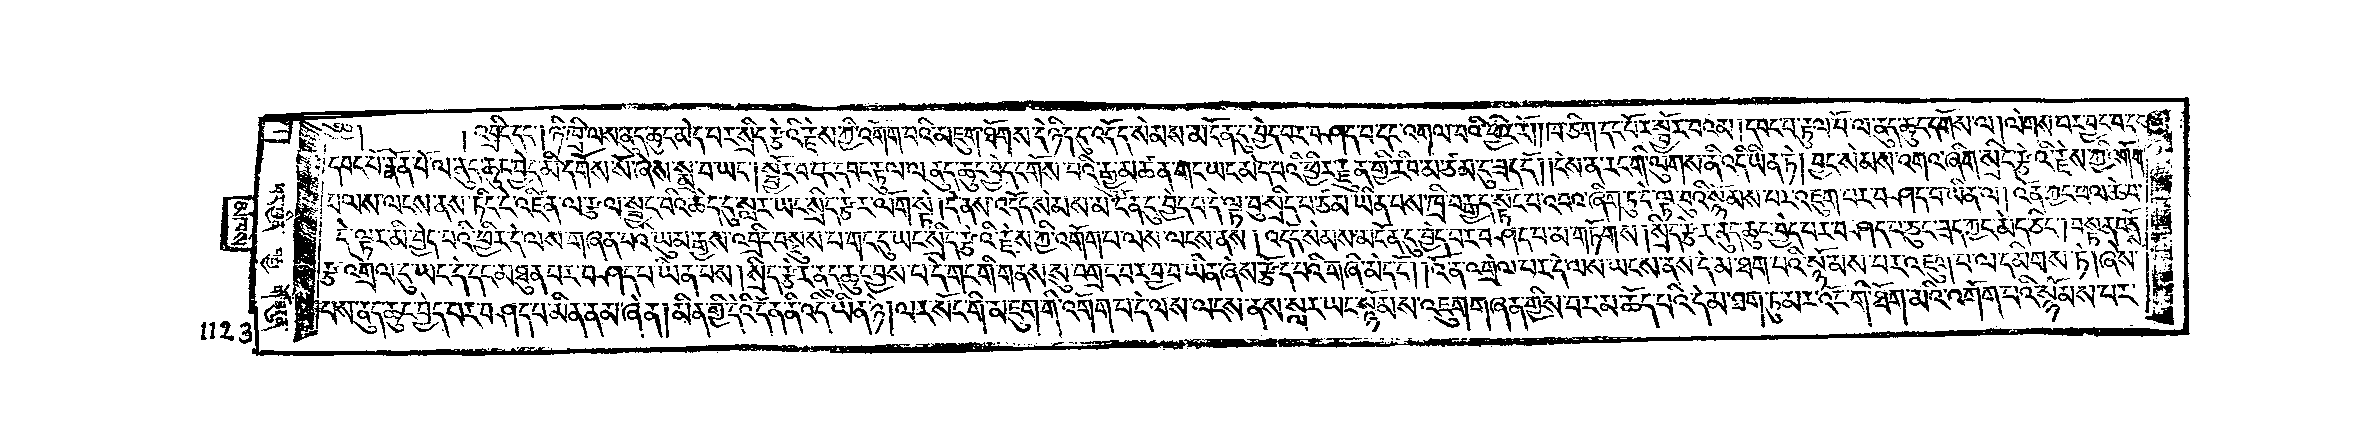༄༅། །འབྲིང་དང་། ཉི་ཁྲི་ལས་ནུད་ཆུང་མེད་པར་སྲིད་རྩེའི་རྗེས་ཀྱི་འགོག་པའི་མཇུག་ཐོགས་དེ་ཉིད་དུ་འདོད་སེམས་མངོན་དུ་བྱེད་པར་བཤད་པ་དང་འགལ་བའི་ཕྱིར་རོ། །ཁ་ཅིག་དང་པོར་སྦྱོར་བའམ། དབང་པོ་རྟུལ་པོ་ལ་ནུད་ཆུང་དགོས་ལ། ལེགས་པར་བྱང་བ་དང་།
དབང་པོ་རྣོན་པོ་ལ་ནུད་ཆུང་བྱེད་མི་དགོས་སོ་ཞེས་སྨྲ་བ་ཡང་། སྦྱོར་བ་དང་དབང་རྟུལ་ལ་ནུད་ཆུང་བྱེད་དགོས་པའི་རྒྱུ་མཚན་གང་ཡང་མེད་པའི་ཕྱིར་རྫུན་གྱི་རིབ་མ་ཙམ་དུ་ཟད་དོ། །དེས་ན་རང་གི་ལུགས་ནི་འདི་ཡིན་ཏེ། བྱང་སེམས་འགའ་ཞིག་སྲིད་རྩེའི་རྗེས་ཀྱི་འགོག་
པ་ལས་ལངས་ནས་ཏིང་ངེ་འཛིན་ལ་རྩལ་སྦྱང་བའི་ཆེད་དུ་སླར་ཡང་སྲིད་རྩེར་ལོག་སྟེ། དེ་ནས་འདོད་སེམས་མངོན་དུ་བྱེད་པ་དེ་ལྟ་བུ་སྲིད་པ་ཙམ་ཡིན་པས་ཁྲི་བརྒྱད་སྟོང་པ་འབའ་ཞིག་ཏུ་དེ་ལྟ་བུའི་སྙོམས་པར་འཇུག་པར་བཤད་པ་ཡིན་ལ། འོང་ཀྱང་ཕལ་ཆེ་བ་
དེ་ལྟར་མི་བྱེད་པའི་ཕྱིར་དེ་ལས་གཞན་པའི་ཡུམ་རྒྱས་འབྲིང་བསྡུས་པ་གང་དུ་ཡང་སྲིད་རྩེའི་རྗེས་ཀྱི་འགོག་པ་ལས་ལངས་ནས། འདོད་སེམས་མངོན་དུ་བྱེད་པར་བཤད་པ་མ་གཏོགས། སྲིད་རྩེར་ནུད་ཆུང་བྱེད་པར་བཤད་པ་ཅུང་ཟད་ཀྱང་མེད་ཅིང་། བསྟན་བཅོས་
རྩ་འགྲེལ་དུ་ཡང་དེ་དང་མཐུན་པར་བཤད་པ་ཡིན་པས། སྲིད་རྩེར་ནུད་ཆུང་བྱས་པ་དེ་གང་གི་གནས་སུ་བགྲང་བར་བྱ་བ་ཡིན་ཞེས་རྩོད་པའི་གཞི་མེད་དོ། །འོ་ན་འགྲེལ་བར་དེ་ལས་ཡངས་ནས་དེ་མ་ཐག་པའི་སྙོམས་པར་འཇུག་པ་ལ་དམིགས་ཏེ། ཞེས་
པས་ནུད་ཆུང་བྱེད་པར་བཤད་པ་མིན་ནམ་ཞེ་ན། མིན་གྱི་དེའི་དོན་ནི་འདི་ཡིན་ཉེ། ལར་སོང་གི་མཇུག་གི་འགོག་པ་དེ་ལས་ལངས་ནས་སླར་ཡང་སྙོམས་འཇུག་གཞན་གྱིས་བར་མ་ཆོད་པའི་དེ་མ་ཐག་ཏུ་མར་འོང་གི་ཐོག་མའི་འགོག་པའི་སྙོམས་པར་